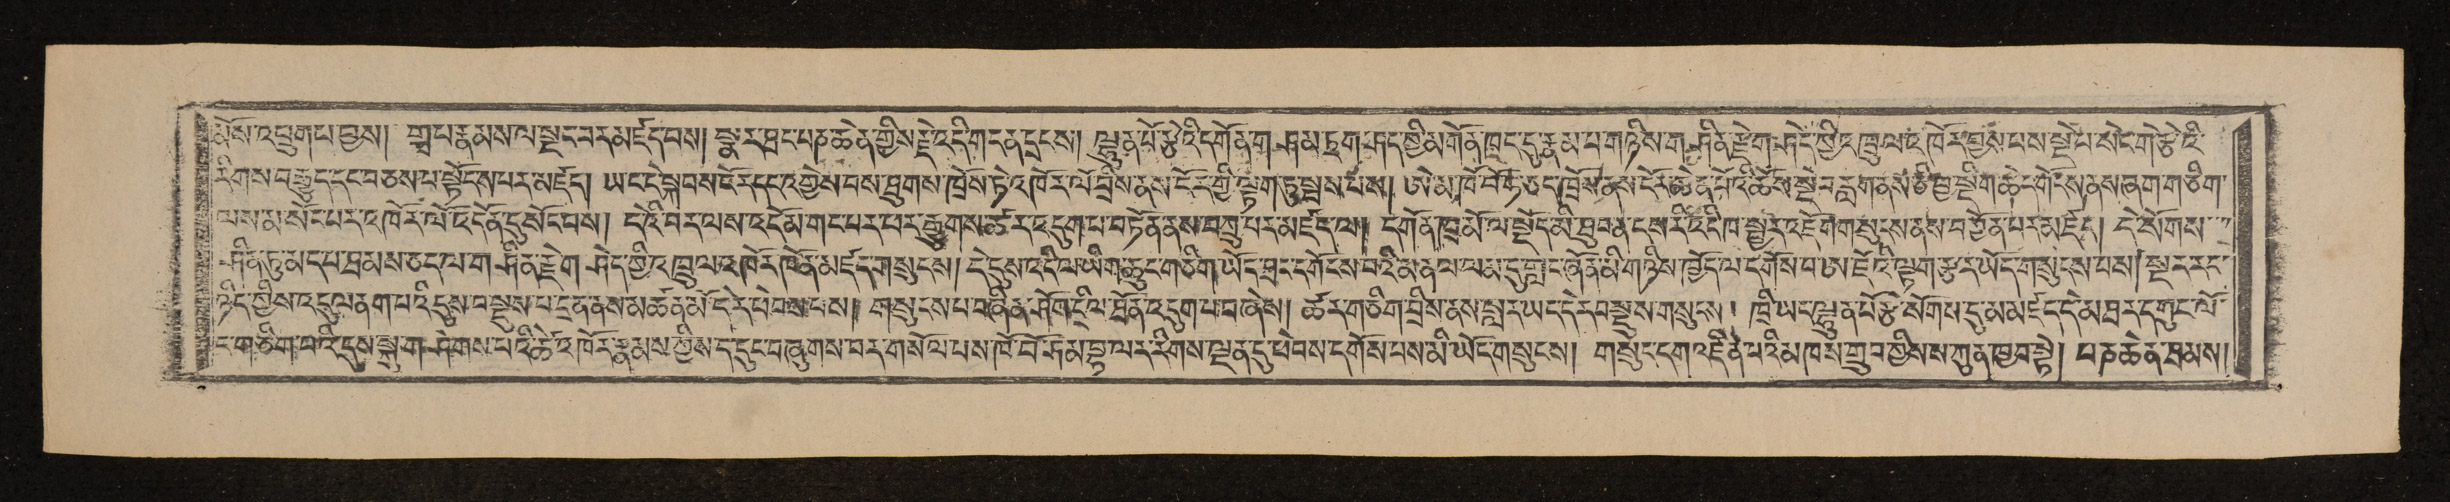མོས་འབྲུག་པ་བྱས། གྲྭ་པ་རྣམས་ལ་སྡང་བར་མཛད་པས། སྣར་ཐང་པཎ་ཆེན་གྱིས་རྗེ་འདི་གདན་དྲངས། ལྷུན་པོ་རྩེའི་དགོན་གཤམ་ཏྲག་ཤད་ཀྱི་མགོན་ཁང་དུ་རྣམ་པ་གཉིས་གཤིན་རྗེ་གཤེད་ཀྱི་འཁྲུལ་འཁོར་བྱས་བས་སྡེ་པ་སེང་གེ་རྩེའི་
རིགས་བརྒྱུད་དང་བཅས་པ་སྟོངས་པར་མཛད། ཡང་དེ་སྐབས་ངོར་དང་འགྱེས་པས་ཐུགས་ཁྲོས་ཏེ་འཁོར་ལོ་བྲིས་ནས་ངོར་གྱི་ལྟག་ཏུ་སྦས་བས། ཨེ་མ་ཁོ་བོ་ཧ་ཅང་ཁྲོས་ནས་ངོར་ཆེན་པོའི་ཆོས་སྡེ་བརླག་ནས་ཅི་བྱ་སྡིག་ཆེ་དགོངས་ནས་ཞག་གཅིག་
ལས་མ་སོང་བར་འཁོར་ལོ་འདོན་དུ་སོང་བས། དེའི་བར་ལས་འདོམ་གང་བར་ཕར་རྒྱུགས་ཚར་འདུག་པ་བཏོན་ནས་བཀྲུ་བར་མཛད་ལ། དགོན་ཁྲ་མོ་ལ་སྡོད་མི་ཐུབ་ན་ངས་རི་འདི་ཁ་སྦྱར་འཇོག་གསུངས་ནས་བཀྱོན་པར་མཛད། དེ་སོགས་
ཤིན་ཏུ་མང་བ་ཐམས་ཅད་ལ་གཤིན་རྗེ་གཤེད་ཀྱི་འཁྲུལ་འཁོར་ཁོ་ན་མཛད་གསུངས། དེ་དུས་འདི་ལ་ཡིག་ཆུང་གཅིག་ཡོད་ཐང་དགོངས་པའི་མནལ་ལམ་དུ་གླང་ཞོན་མི་གཉིས་ཁྱོད་ལ་དགོས་པ་ཨ་ཇོའི་ལྟག་རྩར་ཡོད་གསུངས་པས། སྔར་རང་
ཉིད་ཀྱིས་འདུལ་ནག་པའི་དུས་བསྡུས་པ་དྲན་ནས་མཚན་མོ་དེར་ཕེབས་པས། གསུངས་པ་བཞིན་ཤོག་དྲིལ་ཐོན་འདུག་པ་བཞེས། ཚར་གཅིག་བྲིས་ནས་སླར་ཡང་དེར་བསྡུས་གསུངས། ཁྲི་ཡང་ལྷུན་པོ་རྩེ་སོགས་དུ་མ་མཛད་དེ་མཐར་དགུང་ལོ་
ང་གཅིག་པའི་དུས་སྐུ་གཤེགས་པའི་ཚེ་འཁོར་རྣམས་ཀྱིས་ད་དུང་བཞུགས་པར་གསོལ་བས་ཁོ་བོ་ཤམ་བྷ་ལར་རིགས་ལྡན་དུ་ཕེབས་དགོས་པས་མི་ཡོང་གསུངས། གསུང་དག་འཛིན་པའི་མཁས་གྲུབ་ཀྱིས་ས་ཀུན་ཁྱབ་སྟེ། པཎ་ཆེན་ཐམས་